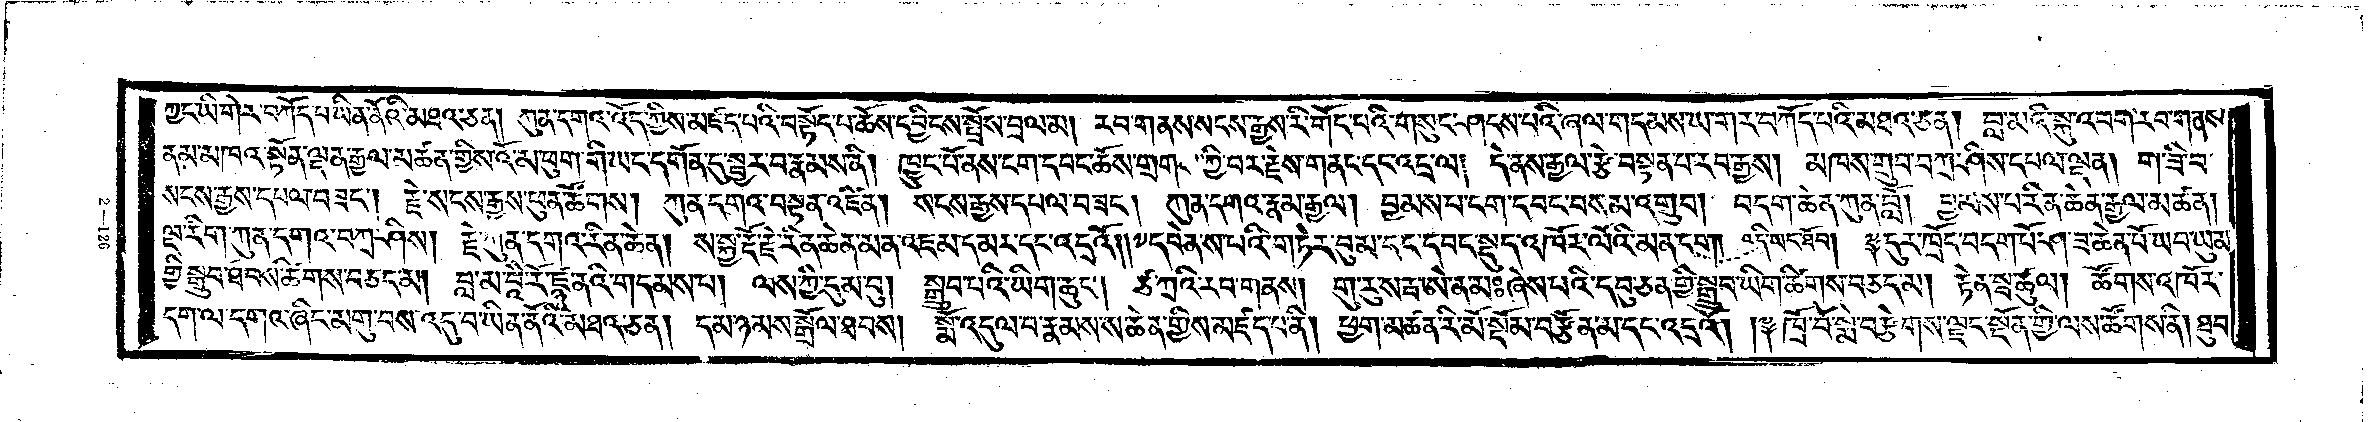ཀྱང་ཡི་གེར་བཀོད་པ་ཡིན་ནོའི་མཐའ་ཅན། ཀུན་དགའ་འོད་ཀྱིས་མཛད་པའི་བསྟོད་པ་ཆོས་དབྱིངས་སྤྲོས་བྲལ་མ། རབ་གནས་སངས་རྒྱས་རི་གོང་པའི་གསུང་ཤངས་པའི་ཞལ་གདམས་ཡ་གར་བཀོད་པའི་མཐའ་ཅན། བླ་མའི་སྐུ་འབག་རབ་གནས་
ནམ་མཁའ་སྟོན་ལྡན་རྒྱལ་མཚན་གྱིས་འོ་མ་ཕུག་གི་ཡང་དགོན་དུ་སྦྱར་བ་རྣམས་ནི། ཁྱུང་པོ་ནས་ངག་དབང་ཆོས་གྲགས་ཀྱི་བར་རྗེས་གནང་དང་འདྲ་ལ། དེ་ནས་རྒྱལ་རྩེ་བསྟན་པ་རབ་རྒྱས། མཁས་གྲུབ་བཀྲ་ཤིས་དཔལ་ལྡན། ག་ཟི་བ་
སངས་རྒྱས་དཔལ་བཟང་། རྗེ་སངས་རྒྱས་ཕུན་ཚོགས། ཀུན་དགའ་བསྟན་འཛིན། སངས་རྒྱས་དཔལ་བཟང་། ཀུན་དགའ་རྣམ་རྒྱལ། བྱམས་པ་ངག་དབང་བསམ་འགྲུབ། བདག་ཆེན་ཀུན་བློ། བྱམས་པ་རིན་ཆེན་རྒྱལ་མཚན།
ལྔ་རིག་ཀུན་དགའ་བཀྲ་ཤིས། རྗེ་ཀུན་དགའ་རིན་ཆེན། ས་སྐྱ་རྡོ་རྗེ་རིན་ཆེན་མན་འཇམ་དམར་དང་འདྲའོ། །༧དབེན་ས་པའི་གཏེར་བུམ་དང་དབང་སྡུད་འཁོར་ལོའི་མན་ངག ། འདི་ཡང་ཐོབ།  ༈ དུར་ཁྲོད་བདག་པོ་ཤ་ཟ་ཆེན་པོ་ཡབ་ཡུམ་
གྱི་སྒྲུབ་ཐབས་ཚིགས་བཅད་མ། བླ་མ་བEཨེ་རོ་ཛྙཱ་ནའི་གདམས་པ། ལས་ཀྱི་དུམ་བུ། སྒྲུབ་པའི་ཡིག་ཆུང་། ཙ་ཀྲའི་རབ་གནས། གུ་རུ་སརྦ་ཨེ་ན་མཿ ཞེས་པའི་དབུ་ཅན་གྱི་སྒྲུབ་ཡིག་ཚིགས་བཅད་མ། རྟེན་སྦ་ཚུལ། ཚོགས་འཁོར་
དག་ལ་དགའ་ཞིང་མགུ་བས་འདུ་བ་ཡིན་ནོའི་མཐའ་ཅན། དམ་ཉམས་སྒྲོལ་ཐབས། སྨོ་འདུལ་བ་རྣམས་ས་ཆེན་གྱིས་མཛད་པ་ནི། ཕྱག་མཚན་རི་མོ་སྡོམ་བརྩོན་མ་དང་འདྲའོ། ། ༈ ཁྲོ་བོ་སྨེ་བརྩེགས་ལྗང་སྔོན་གྱི་ལས་ཚོགས་ནི། ཐུབ་